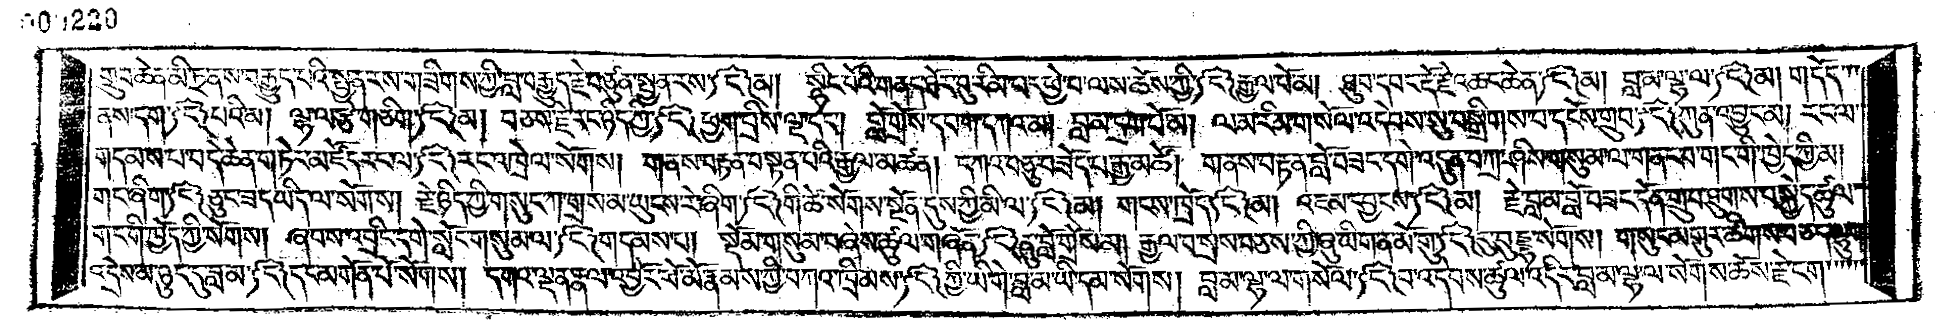གྲུབ་ཆེན་མི་ཏྲ་ནས་བརྒྱུད་པའི་སྤྱན་རས་གཟིགས་ཀྱི་བླ་བརྒྱུད་རྗེ་བཙུན་སྤྱན་རས ༼ང༽ མ། སྙིང་པོའི་གནད་ཐོར་བུ་རིམ་པར་ཕྱེ་བ་ལས་ཆོས་ཀྱི ༼ང༽ རྒྱལ་པོ་མ། ཐུབ་དབང་རྡོ་རྗེ་འཆང་ཆེན ༼ང༽ མ། བླ་མ་ལྷ་ལ། གདོད་
ནས་དག ༼ང༽ པའི་མ། ལྷ་ལ་རྩ་གཅིག ༼ང༽ མ། བཅས་རྗེ་རང་ཉིད་ཀྱི ༼ང༽ ཕྱག་བྲིས་ལྔ་དང་། བློ་གྲོས་དཔག་དཀའ་མ། བླ་མ་དྲག་པོ་མ། ལམ་རིམ་གསོལ་འདེབས་སུ་བསྒྲིགས་པ་དངོས་གྲུབ ༼ང༽ ཀུན་འབྱུང་མ། རང་ལ་
གདམས་པ་བདེ་ཆེན་གཏེར་མཛོད་རང་ལ ༼ང༽ རང་འཁྲེལ་སོགས། གནས་བརྟན་བསྟན་པའི་རྒྱལ་མཚན། དཀའ་བཅུ་བཟོད་པ་རྒྱ་མཚོ། གནས་བརྟན་བློ་བཟང་དགེ་འདུན་བཀྲ་ཤིས་གསུམ་ལ་གནང་བ་གང་གི་ཁྱེད་ཀྱི་མ།
གང་ཞིག ༼ང༽ ཅུང་ཟད་ཡིད་ལ་སོགས། རྗེ་ཉིད་ཀྱི་གསུང་ཀ་གྲས་མ་ཡུངས་རེ་ཞིག ༼ང༽ གི་ཚེ་སོགས་སྔོན་དུས་ཀྱི་མི་ལ ༼ང༽ མ། གངས་ཁྲོད ༼ང༽ མ། རྗེ་བླ་མ་བློ་བཟང་དོན་གྲུབ་ཐུགས་བསྐྱེད་ཚུལ་
གང་གི་ཁྱོད་ཀྱི་སོགས། ཞབས་འབྲིང་དགེ་སློང་གསུམ་ལ ༼ང༽ གདམས་པ། སྡོམ་གསུམ་བཞེས་ཚུལ་གཞོན ༼ང༽ ནུ་བློ་གྲོས་མ། རྒྱལ་བ་སྲས་བཅས་ཀྱི་ཞུ་ཡིག་ན་མོ་གུ ༼ང༽ རུ་བུདྡྷ་སོགས། གསུངས་མགུར་ཚིགས་བཅད་ལྷུག་
འདྲེས་མ་ཉུང་དུ་བླ་མ ༼ང༽ དང་མགོན་པོ་སོགས། དགའ་ལྡན་རྣལ་འབྱོར་ཕོ་མོ་རྣམས་ཀྱི་བཀའ་ཁྲིམས ༼ང༽ ཀྱི་ཡི་གེ་བླ་མ་ཡི་དམ་སོགས། བླ་མ་ལྷ་ལ་གསོལ ༼ང༽ བ་འདེབས་ཚུལ་འདིར་བླ་མ་ལྷ་ལ་སོགས་ཆོས་རྗེ་ངག་